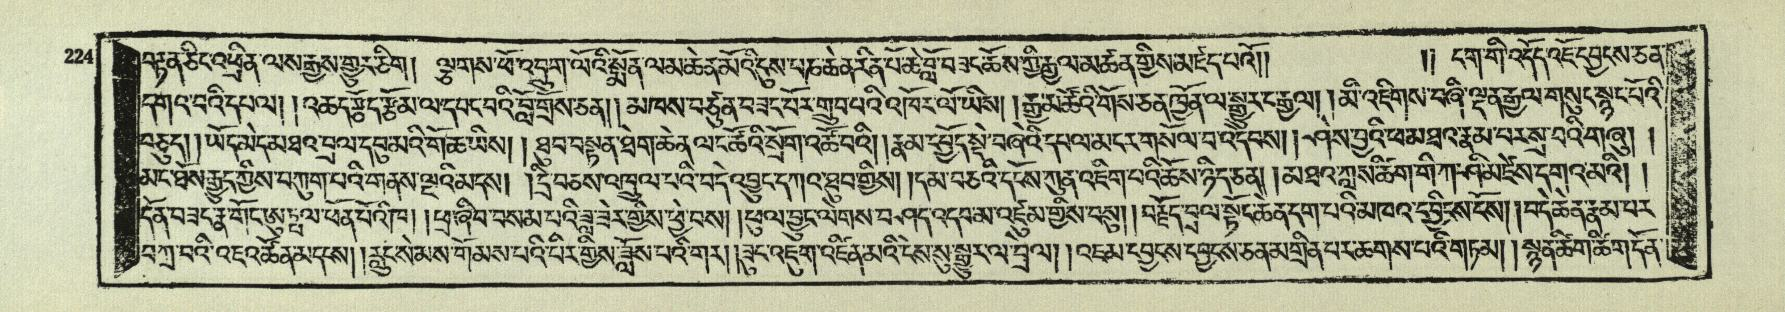བརྟན་ཅིང་འཕྲིན་ལས་རྒྱས་གྱུར་ཅིག། ལྕགས་ཕོ་འབྲུག་ལོའི་སྨོན་ལམ་ཆེན་མོའི་དུས་པཎ་ཆེན་རིན་པོ་ཆེ་བློ་བཟང་ཆོས་ཀྱི་རྒྱལ་མཚན་གྱིས་མཛད་པའོ།། །།ངག་གི་འདོད་འཇོ་དབྱངས་ཅན་
དགའ་བའི་དཔལ། །འཆད་རྩོད་རྩོམ་ལ་དབང་བའི་བློ་གྲོས་ཅན། །མཁས་བཙུན་བཟང་པོར་གྲུབ་པའི་འཁོར་ལོ་ཡིས། །རྒྱ་མཚོའི་གོས་ཅན་ཁྱོན་ལ་སྒྱུར་ང་རྒྱལ། །མི་འཇིགས་བཞི་ལྡན་རྒྱལ་གསུང་སྙང་པོའི་
བཅུད། །ཡོད་མེད་མཐའ་བྲལ་དབུ་མའི་གོ་ཆ་ཡིས། །ཐུབ་བསྟན་ཐེག་ཆེན་ལང་ཚོའི་སྲོག་འཚོ་བའི། །རྣམ་དཔྱོད་སྡེ་བཞེའི་དཔལ་མངར་གསོལ་བ་འདེབས། །ཤེས་བྱའི་ཕ་མཐའ་རྣམ་པར་སྲ་བའི་གཞུ། །
མང་ཐོས་རྒྱུད་ཀྱིས་བཀུག་པའི་གནས་ལྔའི་མདས། །དྲི་བཅས་འཁྲུལ་པའི་བདེ་འབྱུང་དཀའ་ཐུབ་གྱིས། །དམ་བཅའི་དངོས་ཀུན་འཇིག་པའི་ཆོས་ཉིད་ཅན། །མཐའ་ཀླས་ཚིག་གི་ཀ་ཤི་མཛེས་དགའ་མའི། །
དོན་བཟང་རྣ་གོང་ཨུཏྤལ་ཕོན་པོའི་ཁ། །ཕྲ་ཞིབ་བསམ་པའི་ཟླ་ཟེར་གྱིས་ཕྱེ་བས། །ཕུལ་བྱུང་ལེགས་བཤད་འདབ་མ་འཛུམ་གྱིས་བསུ། །བརྗོད་བྲལ་སྟོང་ཆེན་དག་པའི་མཁའ་དབྱིངས་ངོས། །བདེ་ཆེན་རྣམ་པར་
བཀྲ་བའི་འཇའ་ཚོན་མདངས། །རླུང་སེམས་གོམས་པའི་པིར་གྱིས་ཟློས་པའི་གར། །ཟུང་འཇུག་འཛིན་མའི་ངེས་སུ་སྒྱུར་ལ་བྲེལ། །འཇམ་དབྱངས་དབྱངས་ཅན་མགྲིན་པར་ཆགས་པའི་གཏམ། །སྙན་ཚིག་ཚིག་དོན་